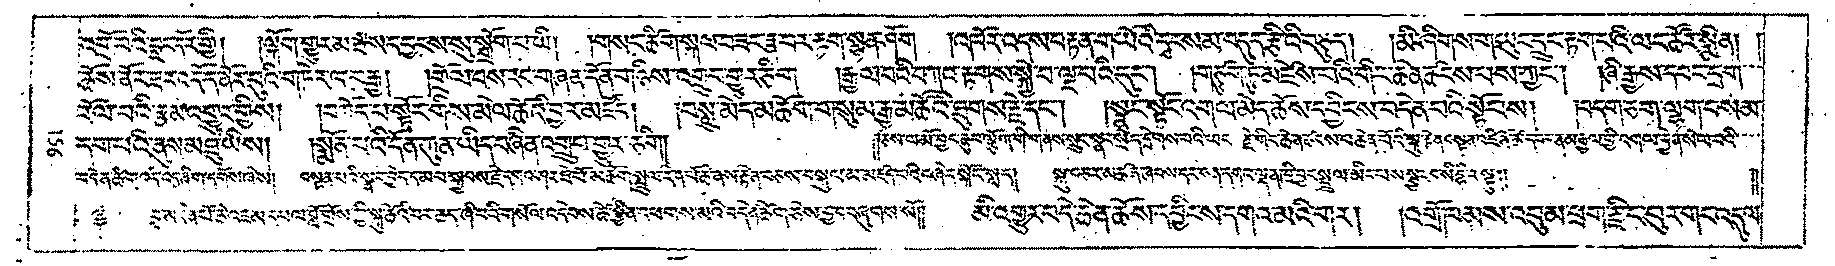འགྲོ་བའི་བླང་དོར་གྱི། །ལྐོག་གྱུར་མ་སྦས་དབྱངས་སུ་སྒྲོག་པ་ཡི། །གསང་ཚིག་སྐལ་བཟང་རྣ་བར་རྟག་སྙན་ཤོག །འཁོར་འདས་བརྟན་གཡོའི་དྭངས་མ་བདུད་རྩིའི་བཅུད། །མི་ཤིགས་གཡུང་དྲུང་རྟག་པའི་ལང་ཚོར་སྨིན། །
ཆོས་ནོར་ཐར་འདོད་ནོར་བུའི་གཏེར་ཁ་བརྒྱ། །གྲོལ་བས་རང་གཞན་དོན་གཉིས་འགྲུབ་གྱུར་ཅིག །རྒྱལ་བའི་བཀའ་རྟགས་སྐྱེ་བ་ལྔ་པའི་དུང་། །གཙུག་ཏུ་མཛེས་པའི་གིང་ཆེན་ཚངས་པས་ཀྱང་། །ཞི་རྒྱས་དབང་དྲག་
རོལ་པའི་རྣམ་འགྱུར་གྱིས། །བཀོད་པ་སྟོང་གིས་མེལ་ཚེའི་བྱ་ར་མཛོད། །བསླུ་མེད་མཆོག་གསུམ་རྒྱ་མཚོའི་ཐུགས་རྗེ་དང་། །སྣང་སྟོང་འགལ་མེད་ཆོས་དབྱིངས་བདེན་པའི་སྟོབས། །བདག་ཅག་ལྷག་བསམ་
དག་པའི་ནུས་མཐུ་ཡིས། །སྨོན་པའི་དོན་ཀུན་ཡིད་བཞིན་འགྲུབ་གྱུར་ཅིག ། །།ཅེས་ལ་མོ་བྱང་ཆུབ་ལྕོག་གི་གནས་སྲུང་སྣང་སྲིད་དྲེགས་པའི་ཡང་རྗེ་གིང་ཆེན་ཚངས་པ་ཆེན་པོའི་སྐུ་རྟེན་བསྟན་འཛིན་ཚེ་དབང་རྣམ་རྒྱལ་གྱི་འགལ་རྐྱེན་སེལ་བའི་
བདེན་ཚིག་འདི་འདྲ་ཞིག་དགོས་ཞེས། བསྟན་པའི་སྣང་བྱེད་དམ་པ་སྐྱབས་རྗེ་དགའ་ཤར་ཐེ་བོ་མཆོག་སྤྲུལ་རིན་པོ་ཆེ་ནས་རྟེན་བཅས་བསྐུལ་མ་མཛད་པའི་བཞེད་སྐོང་སླད། སྐུ་བཅར་མཚན་ཞབས་དར་ཧན་དགའ་ལྡན་ཁྲི་བྱང་སྤྲུལ་མིང་པས་སྦྱར་བ་སིདྷི་ར་སྟུ།། །།
༈ བླ་མ་རིན་པོ་ཆེ་འཇམ་དཔལ་བློ་གྲོས་ཀྱི་སྐུ་ཚེའི་བར་ཆད་ཞི་བའི་གསོལ་འདེབས་ཚེ་སྦྱིན་འཕགས་མའི་བདེན་ཚིག་ཅེས་བྱ་བ་བཞུགས་སོ།། མི་འགྱུར་བདེ་ཆེན་ཆོས་དབྱིངས་དགའ་མའི་གར། །འགྲོ་ཁམས་འབུམ་ཕྲག་རྫིང་བུར་གང་འདུལ་